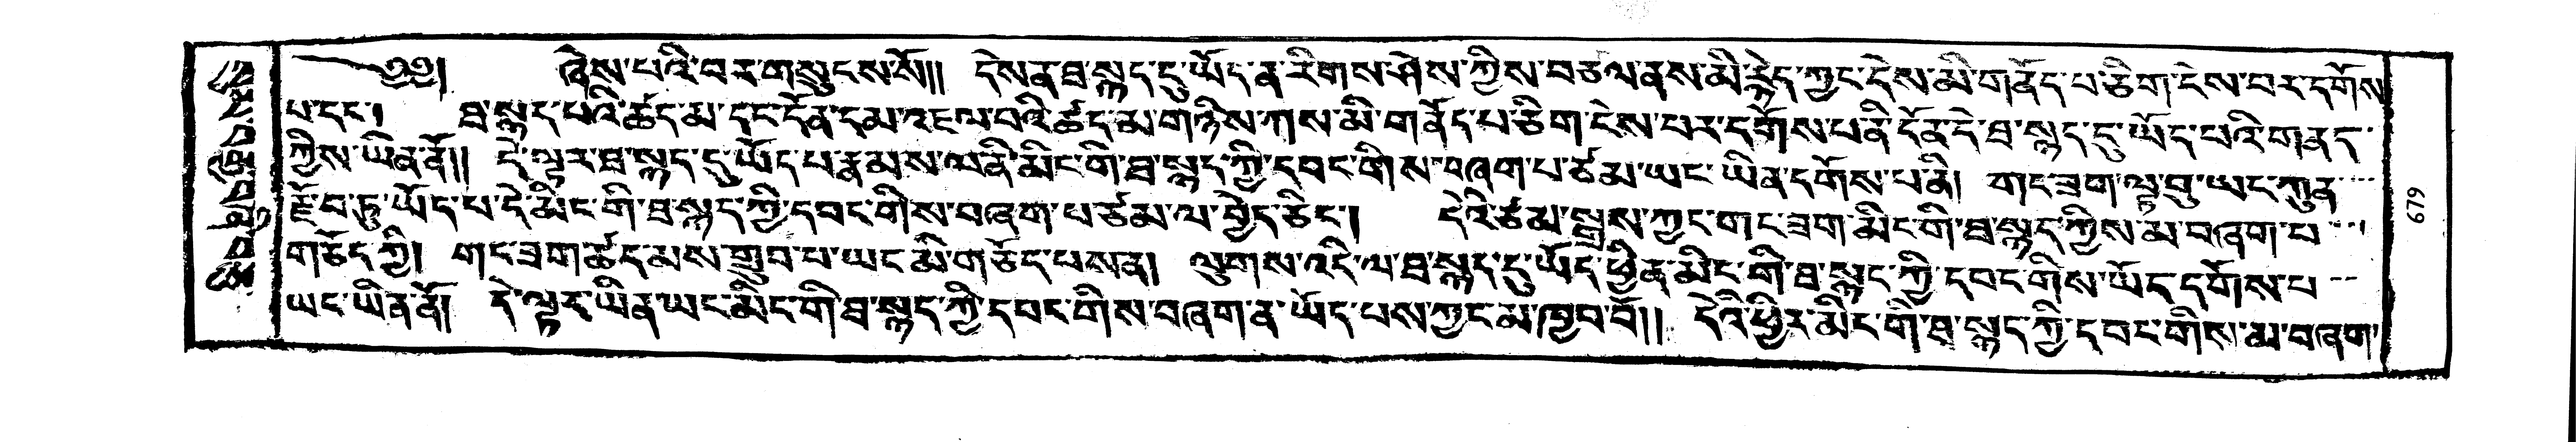༄༅། །ཞེས་པའི་བར་གསུངས་སོ། །དེས་ན་ཐ་སྙད་དུ་ཡོད་ན་རིགས་ཤེས་ཀྱིས་བཙལ་ནས་མི་རྙེད་ཀྱང་དེས་མི་གནོད་པ་ཅིག་ངེས་པར་དགོས་
པ་དང་། ཐ་སྙད་པའི་ཚད་མ་དང་དོན་དམ་འཇལ་བའི་ཚད་མ་གཉིས་ཀས་མི་གནོད་པ་ཅིག་ངེས་པར་དགོས་པ་ནི་དོན་དེ་ཐ་སྙད་དུ་ཡོད་པའི་གནད་
ཀྱིས་ཡིན་ནོ། །དེ་ལྟར་ཐ་སྙད་དུ་ཡོད་པ་རྣམས་ལ་ནི་མིང་གི་ཐ་སྙད་ཀྱི་དབང་གིས་བཞག་པ་ཙམ་ཡང་ཡིན་དགོས་པ་ནི། གང་ཟག་ལྟ་བུ་ཡང་ཀུན་
རྫོབ་ཏུ་ཡོད་པ་དེ་མིང་གི་ཐ་སྙད་ཀྱི་དབང་གིས་བཞག་པ་ཙམ་ལ་བྱེད་ཅིང་། དེའི་ཙམ་སྒྲས་ཀྱང་གང་ཟག་མིང་གི་ཐ་སྙད་ཀྱིས་མ་བཞག་པ་
གཅོད་ཀྱི། གང་ཟག་ཚད་མས་གྲུབ་པ་ཡང་མི་གཅོད་པས་ན། ལུགས་འདི་ལ་ཐ་སྙད་དུ་ཡོད་ཕྱིན་མིང་གི་ཐ་སྙད་ཀྱི་དབང་གིས་ཡོད་དགོས་པ་
ཡང་ཡིན་ནོ། དེ་ལྟར་ཡིན་ཡང་མིང་གི་ཐ་སྙད་ཀྱི་དབང་གིས་བཞག་ན་ཡོད་པས་ཀྱང་མ་ཁྱབ་བོ། །དེའི་ཕྱིར་མིང་གི་ཐ་སྙད་ཀྱི་དབང་གིས་མ་བཞག་